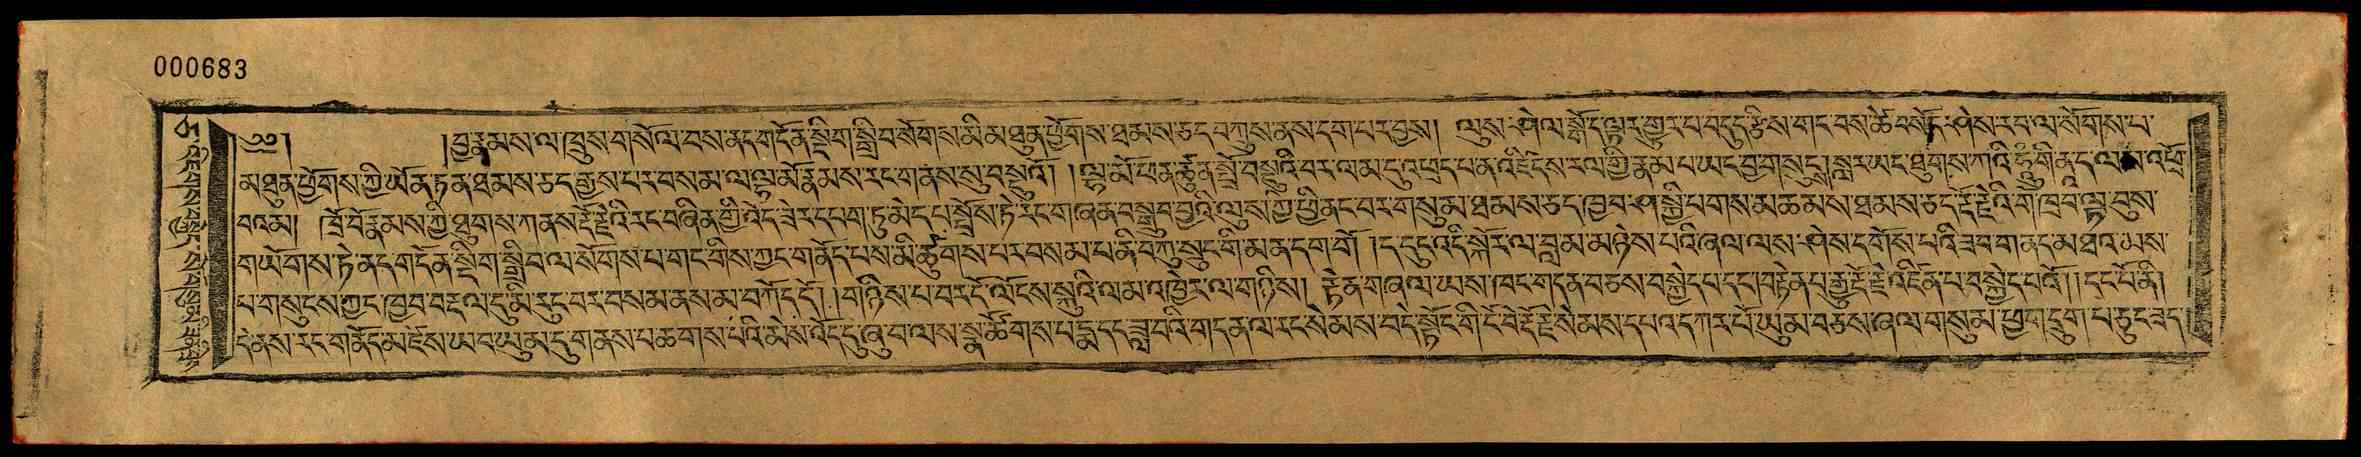༄༅། །བྱ་རྣམས་ལ་ཁྲུས་གསོལ་བས་ནད་གདོན་སྡིག་སྒྲིབ་སོགས་མི་མཐུན་ཕྱོགས་ཐམས་ཅད་བཀྲུས་ནས་དག་པར་བྱས། ལུས་ཤེལ་སྒོང་ལྟར་གྱུར་པ་བདུད་རྩིས་གང་བས་ཚེ་བསོད་ཤེས་རབ་ལ་སོགས་པ་
མཐུན་ཕྱོགས་ཀྱི་ཡོན་ཏན་ཐམས་ཅད་རྒྱས་པར་བསམ་ལ་ལྷ་མོ་རྣམས་རང་གནས་སུ་བསྡུའོ། །ལྷ་མོ་ཕན་ཚུན་སྤྲོ་བསྡུའི་བར་ལམ་དུ་འཕྲད་པ་ན་འཛིངས་རལ་གྱི་རྣམ་པ་ཡང་བྱ་གསུངས། སླར་ཡང་ཐུགས་ཀའི་ཧཱུཾ་གི་ནཱ་ད་ལས་འཕྲོ་
བའམ། ཁྲོ་བོ་རྣམས་ཀྱི་ཐུགས་ཀ་ནས་རྡོ་རྗེའི་རང་བཞིན་གྱི་འོད་ཟེར་དཔག་ཏུ་མེད་པ་སྤྲོས་ཏེ་རང་གཞན་བསྒྲུབ་བྱའི་ལུས་ཀྱི་ཕྱི་ནང་བར་གསུམ་ཐམས་ཅད་ཁྱབ་ཤ་སྐྱི་པགས་མཚམས་ཐམས་ཅད་རྡོ་རྗེའི་གོ་ཁྲབ་ལྟ་བུས་
གཡོགས་ཏེ་ནད་གདོན་སྡིག་སྒྲིབ་ལ་སོགས་པ་གང་གིས་ཀྱང་གནོད་པས་མི་ཚུགས་པར་བསམ་པ་ནི་བཀྲུ་སྲུང་གི་མན་ངག་གོ །ད་དུང་འདི་སྐོར་ལ་བླ་མ་མཉེས་པའི་ཞལ་ལས་ཤེས་དགོས་པའི་ཟབ་གནང་མཐའ་ཡས་
པ་གསུངས་ཀྱང་ཁྱབ་བརྡལ་དུ་མི་རུང་བར་བསམ་ནས་མ་བཀོད་དོ། །གཉིས་པ་བར་དོ་ལོངས་སྐུའི་ལམ་འཁྱེར་ལ་གཉིས། རྟེན་གཞལ་ཡས་ཁང་གདན་བཅས་བསྐྱེད་པ་དང་། བརྟེན་པ་རྒྱུ་རྡོ་རྗེ་འཛིན་པ་བསྐྱེད་པའོ། །དང་པོ་ནི།
དེ་ནས་རང་གནོད་མཛེས་ཡབ་ཡུམ་དུ་གནས་པ་ཆགས་པའི་མེས་འོད་དུ་ཞུ་བ་ལས་སྣ་ཚོགས་པདམ་དང་ཟླ་བའི་གདན་ལ་རང་སེམས་བདེ་སྟོང་གི་ངོ་བོ་རྡོ་རྗེ་སེམས་དཔའ་དཀར་པོ་ཡུམ་བཅས་ཞལ་གསུམ་ཕྱག་དྲུག་པ་ཅུང་ཟད་